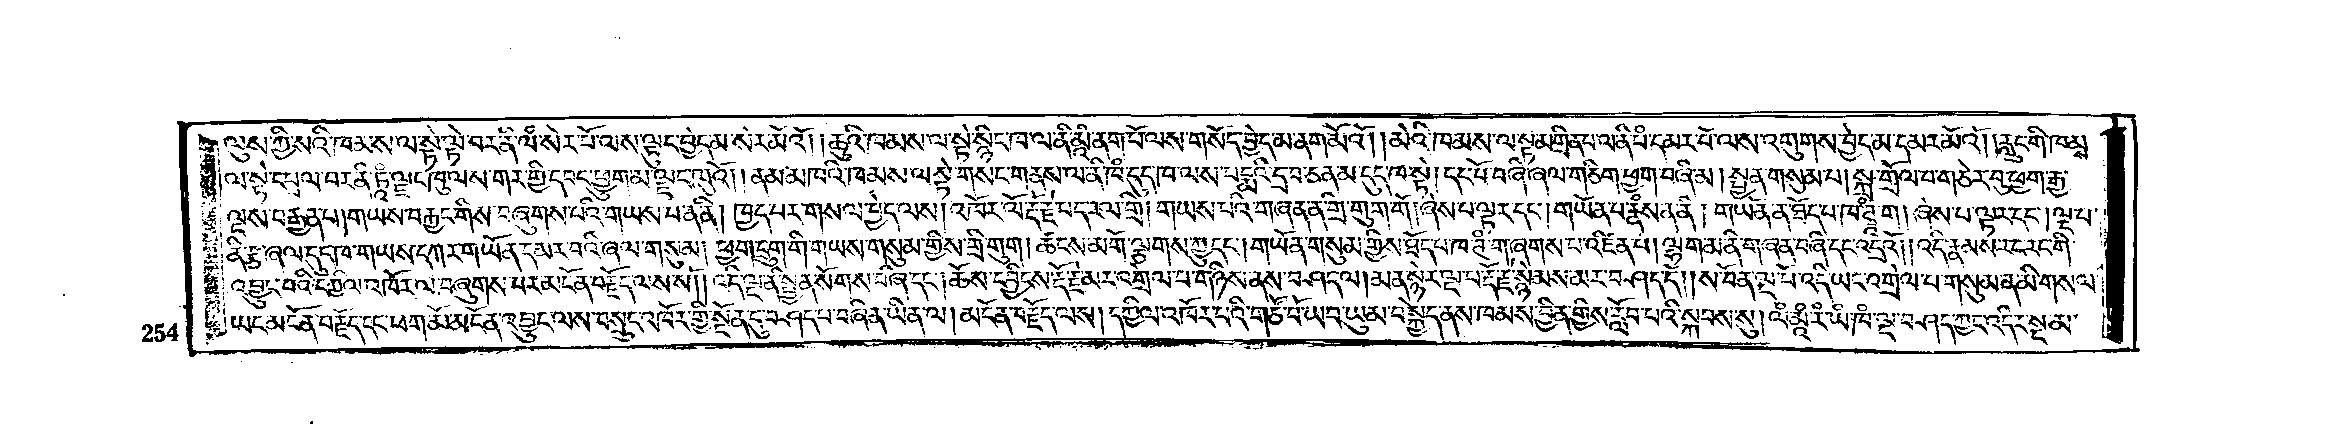ལུས་ཀྱི་སའི་ཁམས་ལ་སྟེ་ལྟེ་བར་ནི་ལཾ་སེར་པོ་ལས་ལྟུང་བྱེད་མ་སེར་མོའོ། །ཆུའི་ཁམས་ལ་སྟེ་སྙིང་ཁ་ལ་ནི་མཱཾ་ནག་པོ་ལས་གསོད་བྱེད་མ་ནག་མོའོ། །མེའི་ཁམས་ལ་སྟེ་མགྲིན་པ་ལ་ནི་པཾ་དམར་པོ་ལས་འགུགས་བྱེད་མ་དམར་མོའོ། །རླུང་གི་ཁམས་
ལ་སྟེ་དཔྲལ་བར་ནི་ཏཱཾ་ལྗང་ཁུ་ལས་གར་གྱི་དབང་ཕྱུག་མ་ལྗང་ཁུའོ། །ནམ་མཁའི་ཁམས་ལ་སྟེ་གསང་གནས་ལ་ནི་ཁཾ་དུད་ཁ་ལས་པདམའི་དྲ་བ་ཅན་མ་དུད་ཁ་སྟེ། དང་པོ་བཞི་ཞལ་གཅིག་ཕྱག་བཞི་མ། སྤྱན་གསུམ་པ། སྐྲ་གྲོལ་བ་གཅེར་བུ་ཕྱག་རྒྱ་
ལྔས་བརྒྱན་པ། གཡས་བརྐྱང་གིས་བཞུགས་པའི་གཡས་པ་ན་ནི། ཁྱད་པར་གསལ་བྱེད་ལས། འཁོར་ལོ་རྡོ་རྗེ་པད་རལ་གྲི། གཡས་པའི་བཞན་གྲི་གུག་གོ །ཞེས་པ་ལྟར་དང་། གཡོན་པ་རྣམས་ན་ནི། གཡོན་ན་ཐོད་པ་ཁ་ཊྭཱཾ་ག །ཞེས་པ་ལྟར་དང་། ལྔ་པ་
ནི་རྩ་ཞལ་དུད་ཁ་གཡས་དཀར་གཡོན་དམར་པའི་ཞལ་གསུམ། ཕྱག་དྲུག་གི་གཡས་གསུམ་གྱིས་གྲི་གུག །ཚངས་མགོ་ལྕགས་ཀྱུ་དང་། གཡོན་གསུམ་གྱིས་ཐོད་པ་ཁ་ཊཾ་གཞགས་པ་འཛིན་པ། ལྷག་མ་ནི་གཞན་བཞི་དང་འདྲིའོ། །འདི་རྣམས་རང་རང་གི་
འབྱུང་བའི་དཀྱིལ་འཁོར་ལ་བཞུགས་པར་མངོན་བརྗེད་ལས་སོ། །འདི་ལྔ་ནི་སྤྱན་སོགས་བཞི་དང་། ཆོས་དབྱིངས་རྡོ་རྗེ་མར་འགྲེལ་པ་གཉིས་ནས་བཤད་ལ། མན་སྙེར་ལྔ་པ་རྡོ་རྗེ་སྙེམས་མར་བཤད་དོ། །ས་བོན་ལྔ་པོ་འདི་ཡང་འགྲེལ་པ་གསུམ་ན་མི་གསལ་
ཡང་མངོན་བརྗོད་དང་ཕག་མོ་མངོན་འབྱུང་ལས་བསྲུང་འཁོར་གྱི་སྔོན་དུ་བཤད་པ་བཞིན་ཡིན་ལ། མངོན་བརྗོད་ལས། དཀྱིལ་འཁོར་པའི་གཙོ་བོ་ཡབ་ཡུམ་བསྐྱེད་ནས་ཁམས་བྱིན་གྱིས་རློབ་པའི་སྐབས་སུ། ལཾ་མཱཾ་རཾ་ཡཾ་ཁཾ་ལྔ་བཤད་ཀྱང་འདིར་སྔ་མ་